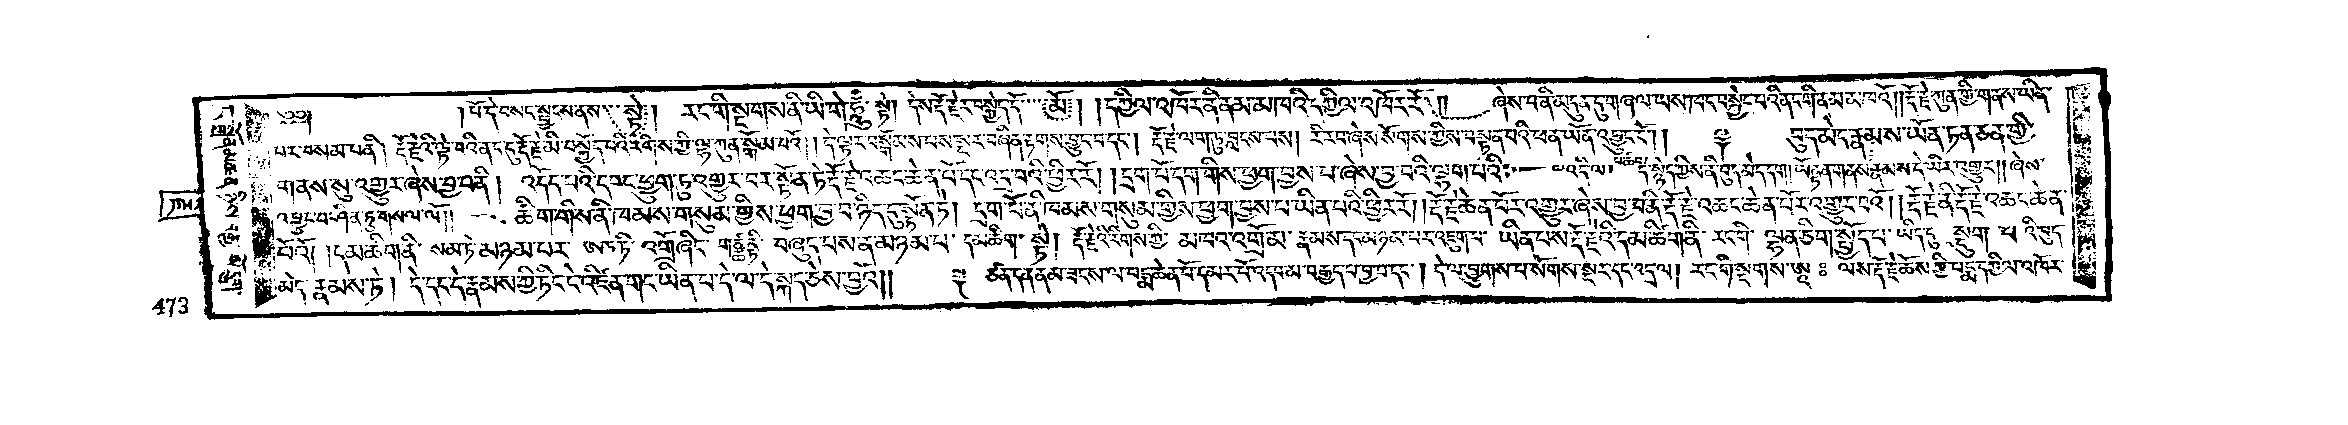༄༅། །པོ་དེ་བསང་སྦྱངས་ནས་སྟེ། རང་གི་སྔགས་ནི་ཡི་གེ་ཧཱུཾ་སྟེ། དེས་རྡོ་རྗེར་བསྐྱེད་དོ་མོ། །དཀྱིལ་འཁོར་ནི་ནམ་མཁའི་དཀྱིལ་འཁོར་རོ།། ཞེས་པ་ནི་མདུན་དུ་གཞལ་ཡས་ཁང་བསྐྱེད་པའི་ནང་གི་ནམ་མཁའོ། །རྡོ་རྗེ་ཀུན་གྱི་གནས་ཡིན་
པར་བསམ་པ་ནི། རྡོ་རྗེའི་སྟེ་བའི་ནང་དུ་རྡོ་རྗེ་མི་བསྐྱོད་པའི་རིགས་ཀྱི་ལྷ་ཀུན་སྒོམ་པའོ། །དེ་ལྟར་བསྒོམས་པས་སྔར་བཞིན་རྟགས་བྱུང་བ་དང་། རྡོ་རྗེ་ལག་ཏུ་བླངས་པས། རི་རབ་ཞེས་སོགས་ཀྱིས་བསྟན་པའི་ཕན་ཡོན་འབྱུང་ངོ།། ༈ བུད་མེད་རྣམས་ཡོན་ཏན་ཅན་གྱི་
གནས་སུ་འགྱུར་ཞེས་བྱ་བ་ནི། འདོད་པའི་དབང་ཕྱུག་ཏུ་འགྱུར་བར་སྟོན་ཏེ་རྡོ་རྗེ་འཆང་ཆེན་པོ་དང་འདྲ་བའི་ཕྱིར་རོ། །དྲག་པོ་དག་གིས་ཕྱག་བྱས་པ་ཞེས་བྱ་བའི་ལྷག་པའིཿ་༧་འདི་ལ། པ་ཚབ་དེ་སྙེད་ཀྱིས་ནི་བུད་མེད་དག །ཡོན་ཏན་གནས་རྣམས་དེ་ཡིར་འགྱུར། །ཞེས་
འབྱུང་བ་ཤིན་ཏུ་གསལ་ལོ།། .H ཚིག་གིས་ནི་ཁམས་གསུམ་གྱིས་ཕྱག་བྱ་བ་ཉིད་དུ་སྟོན་ཏེ། དྲག་པོ་ནི་ཁམས་གསུམ་གྱིས་ཕྱག་བྱས་པ་ཡིན་པའི་ཕྱིར་རོ། །རྡོ་རྗེ་ཆེན་པོར་འགྱུར་ཞེས་བྱ་བ་ནི་རྡོ་རྗེ་འཆང་ཆེན་པོར་འགྱུར་བའོ། །རྡོ་རྗེ་ནི་རྡོ་རྗེ་འཆང་ཆེན་
པོའོ། །དམ་ཚིག་ནི་སམ་ཏ་མཉམ་པར་ཨཏ་ཏི་འགྲོ་ཞིང་གཙྪ་ནྟི་བཞུད་པས་ན་མཉམ་པ་དམ་ཚིག་སྟེ། རྡོ་རྗེའི་རིགས་ཀྱི་མཁའ་འགྲོ་མ་རྣམས་དང་མཉམ་པར་འཇུག་པ་ཡིན་པས་རྡོ་རྗེའི་དམ་ཚིག་ནི་རང་གི་ལྷན་ཅིག་སྤྱོད་པ་ཡིད་དུ་སྡུག །པའི་བུད་མེད་རྣམས་ཏེ། དེ་དང་དེ་རྣམས་ཀྱི་ཏིང་ངེ་འཛིན་གང་ཡིན་པ་དེ་ལ་དེ་སྐད་ཅེས་བྱའོ།། ༈ ཅན་དན་ནམ་ཟངས་ལ་པདམ་ཆེན་པོ་དམར་པོ་འདབ་མ་བརྒྱད་པ་བྱ་བ་དང་། དེ་ལ་བྱུགས་པ་སོགས་སྔར་དང་འདྲ་ལ། རང་གི་སྔགས་ཨཱཿ ལས་རྡོ་རྗེ་ཆོས་ཀྱི་པདམ་དཀྱིལ་འཁོར་